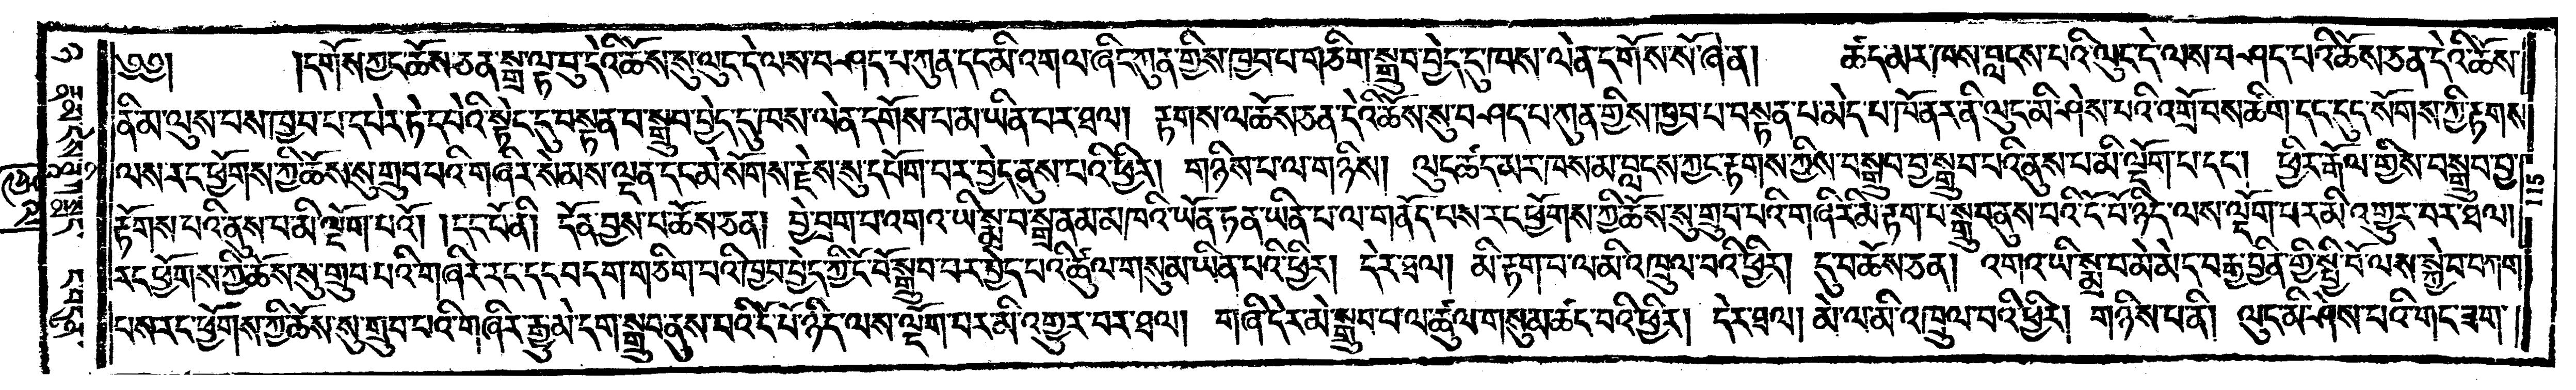༄༅། །དགོས་ཀྱང་ཆོས་ཅན་སྒྲ་ལྟ་བུ་དེའི་ཆོས་སུ་ལུང་དེ་ལས་བཤད་པ་ཀུན་དང་མི་འགལ་ཞིང་ཀུན་གྱིས་ཁྱབ་པ་གཅིག་སྒྲུབ་བྱེད་དུ་ཁས་ལེན་དགོས་སོ་ཞེ་ན། ཚད་མར་ཁས་བླངས་པའི་ལུང་དེ་ལས་བཤད་པའི་ཆོས་ཅན་དེའི་ཆོས་
ནི་མ་ལུས་པས་ཁྱབ་པ་དཔེར་ཏེ་དཔེའི་སྟེང་དུ་བསྟན་པ་སྒྲུབ་བྱེད་དུ་ཁས་ལེན་དགོས་པ་མ་ཡིན་པར་ཐལ། རྟགས་ལ་ཆོས་ཅན་དེའི་ཆོས་སུ་བཤད་པ་ཀུན་གྱིས་ཁྱབ་པ་བསྟན་པ་མེད་པ་ཁོ་ནར་ནི་ལུང་མི་ཤེས་པའི་འགྲོ་བས་ཚིག་དང་དུད་སོགས་ཀྱི་རྟགས་
ལས་རང་ཕྱོགས་ཀྱི་ཆོས་སུ་གྲུབ་པའི་གཞིར་སེམས་ལྡན་དང་མེ་སོགས་རྗེས་སུ་དཔོག་པར་བྱེད་ནུས་པའི་ཕྱིར། གཉིས་པ་ལ་གཉིས། ལུང་ཚད་མར་ཁས་མ་བླངས་ཀྱང་རྟགས་ཀྱི་བསྒྲུབ་བྱ་སྒྲུབ་པའི་ནུས་པ་མི་ལྡོག་པ་དང་། ཕྱིར་རྒོལ་གྱིས་བསྒྲུབ་བྱ་
རྟོགས་པའི་ནུས་པ་མི་ལྡོག་པའོ། །དང་པོ་ནི། དོན་བྱས་པ་ཆོས་ཅན། བྱེ་བྲག་པ་འགའ་ཡི་སྨྲ་བ་སྒྲ་ནམ་མཁའི་ཡོན་ཏན་ཡིན་པ་ལ་གནོད་པས་རང་ཕྱོགས་ཀྱི་ཆོས་སུ་གྲུབ་པའི་གཞིར་མི་རྟག་པ་སྒྲུབ་པ་ནུས་པའི་ངོ་བོ་ཉིད་ལས་ལྡོག་པར་མི་འགྱུར་བར་ཐལ།
རང་ཕྱོགས་ཀྱི་ཆོས་སུ་གྲུབ་པའི་གཞིར་རང་དང་བདག་གཅིག་པའི་ཁྱབ་བྱེད་ཀྱི་ངོ་བོ་སྒྲུབ་པར་བྱེད་པའི་ཚུལ་གསུམ་ཡིན་པའི་ཕྱིར། དེར་ཐལ། མི་རྟག་པ་ལ་མི་འཁྲུལ་བའི་ཕྱིར། དུ་བ་ཆོས་ཅན། འགའ་ཡི་སྨྲ་བ་མེ་མེད་བརྒྱ་བྱིན་གྱི་སྤྱི་བོ་ལས་སྐྱེ་བ་བཀག་
པས་རང་ཕྱོགས་ཀྱི་ཆོས་སུ་གྲུབ་པའི་གཞིར་རྒྱུ་མེ་དག་སྒྲུབ་ནུས་པའི་ངོ་བོ་ཉིད་ལས་ལྡོག་པར་མི་འགྱུར་བར་ཐལ། གཞི་དེར་མེ་སྒྲུབ་པ་ལ་ཚུལ་གསུམ་ཚང་བའི་ཕྱིར། དེར་ཐལ། མེ་ལ་མི་འཁྲུལ་བའི་ཕྱིར། གཉིས་པ་ནི། ལུང་མི་ཤེས་པའི་གང་ཟག་